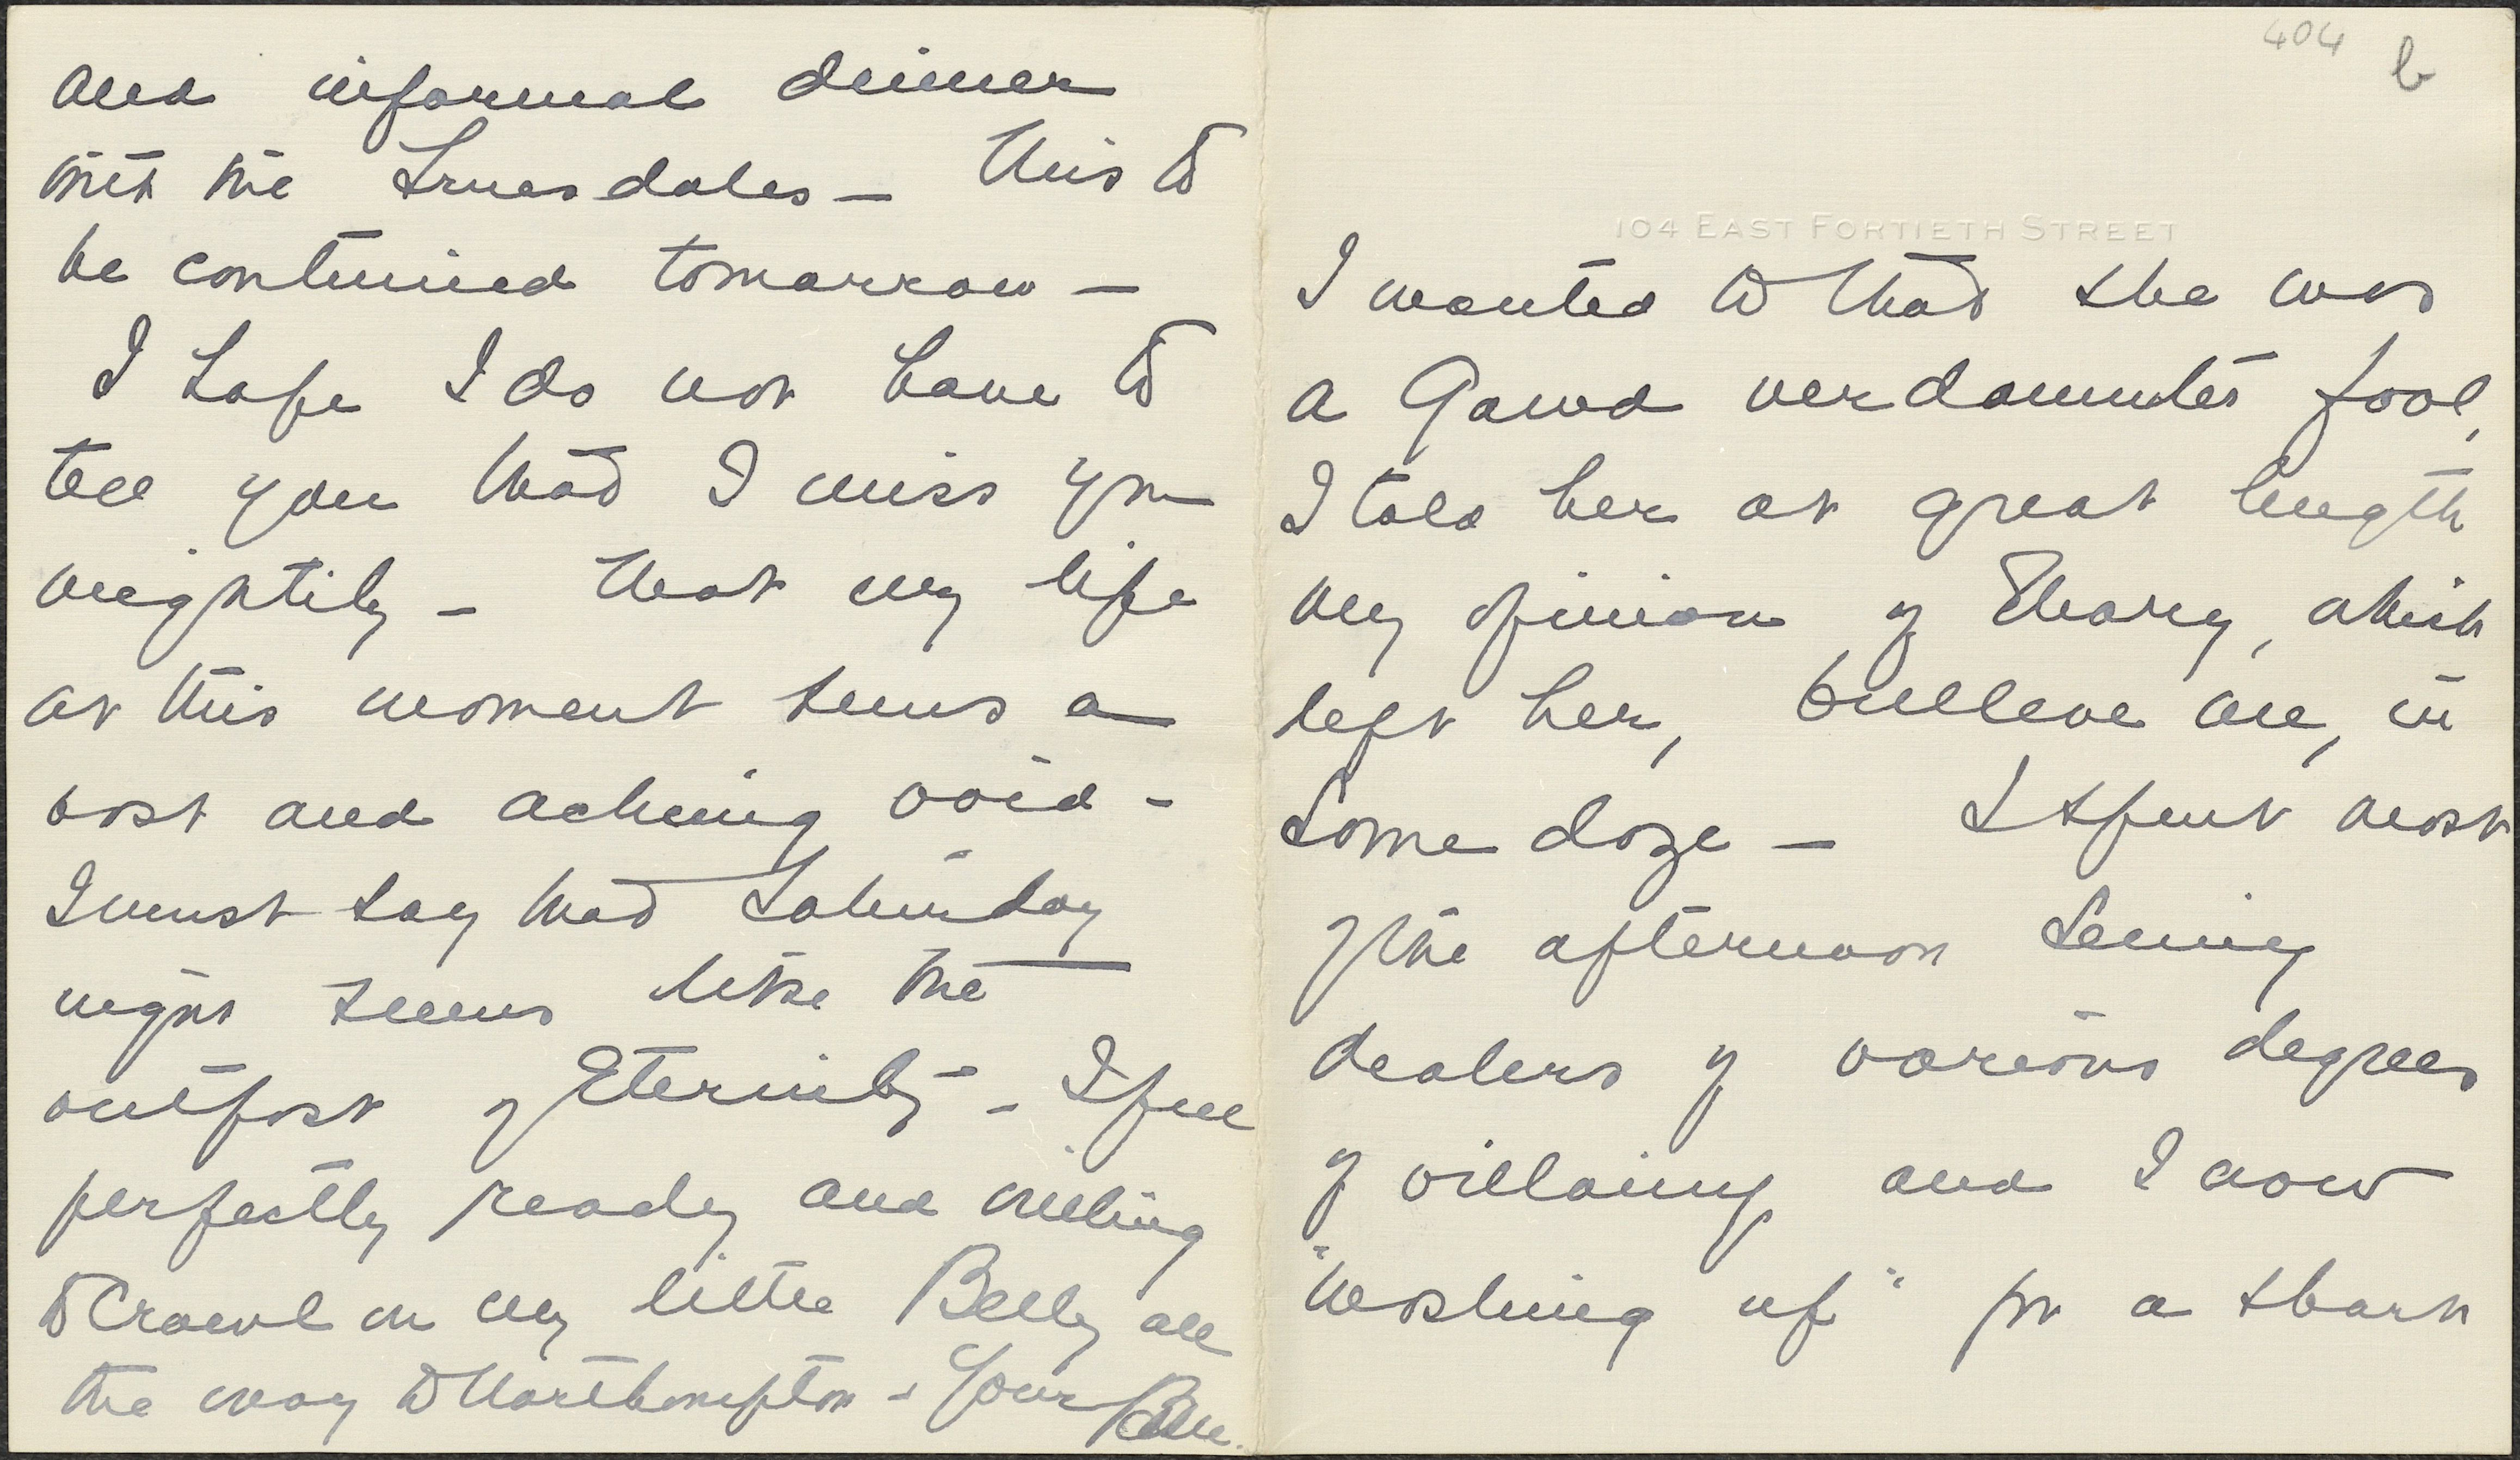I wanted to that she was a gawd verdammtes fool, I told her at great length my opinion of Mary, which left her, bullleve me, in some daze – I spent most of the afternoon seeing dealers of various degrees of villainy and I now “washing up” for a short
and informal dinner with the Truesdales – This to be continued tomorrow –
I hope I do not have to tell you that I miss you mightily – that my life at this moment seems a vast and aching void – I must say that Saturday night seems like the outpost of Eternity – I feel perfectly ready and willing to crawl on my little Belly all the way to Northampton – Your Belle.